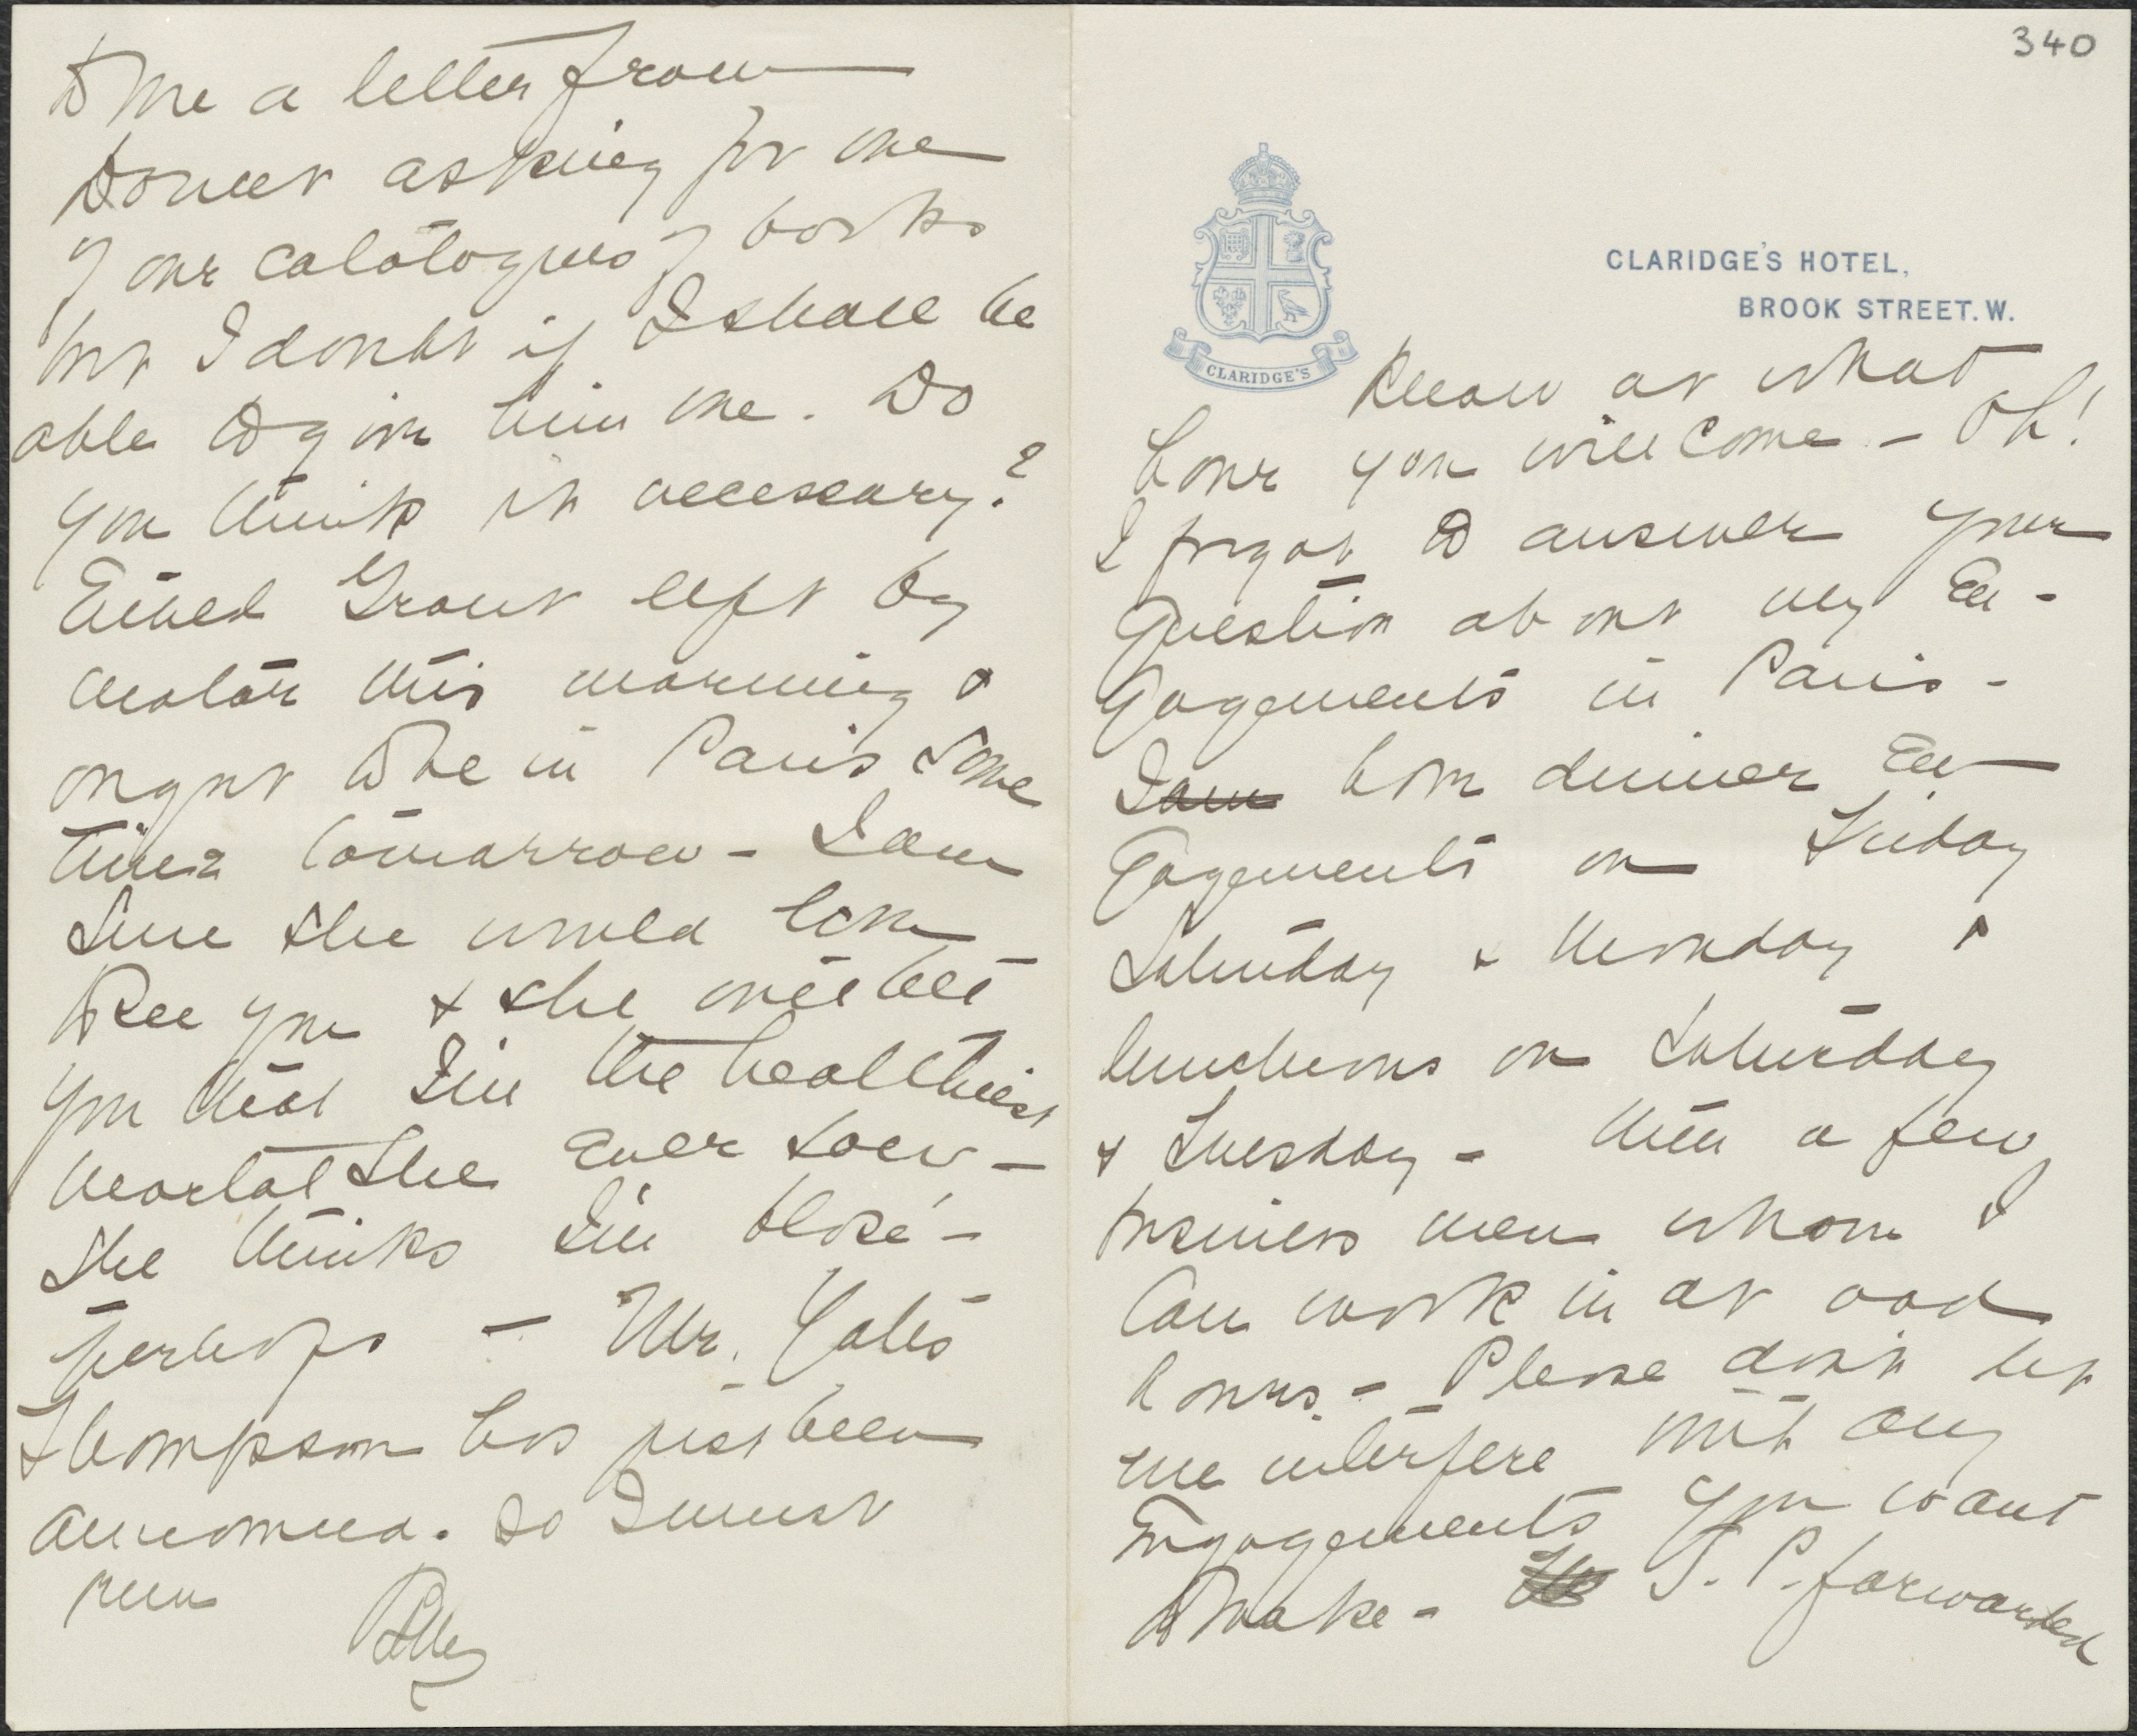know at what hour you will come – oh! I forgot to answer your question about my engagements in Paris – I am have dinner engagements on Friday Saturday & Monday & luncheons on Saturday & Tuesday – then a few business men whom I can work in at odd hours – Please don’t let me interfere with any Engagements you want to make – We J. P. forwarded
to me a letter from Doucet asking for one of our catalogues of books but I doubt if I shall be able to give him one. Do you think it necessary? Ethel Grant left by motor this morning & ought ought to be in Paris some time tomorrow – I am sure she would love to see you & she will tell you that I’m the healthiest mortal she ever saw – She thinks I’m blasé perhaps – Mr. Yates Thompson has just been announced so I must run
Belle